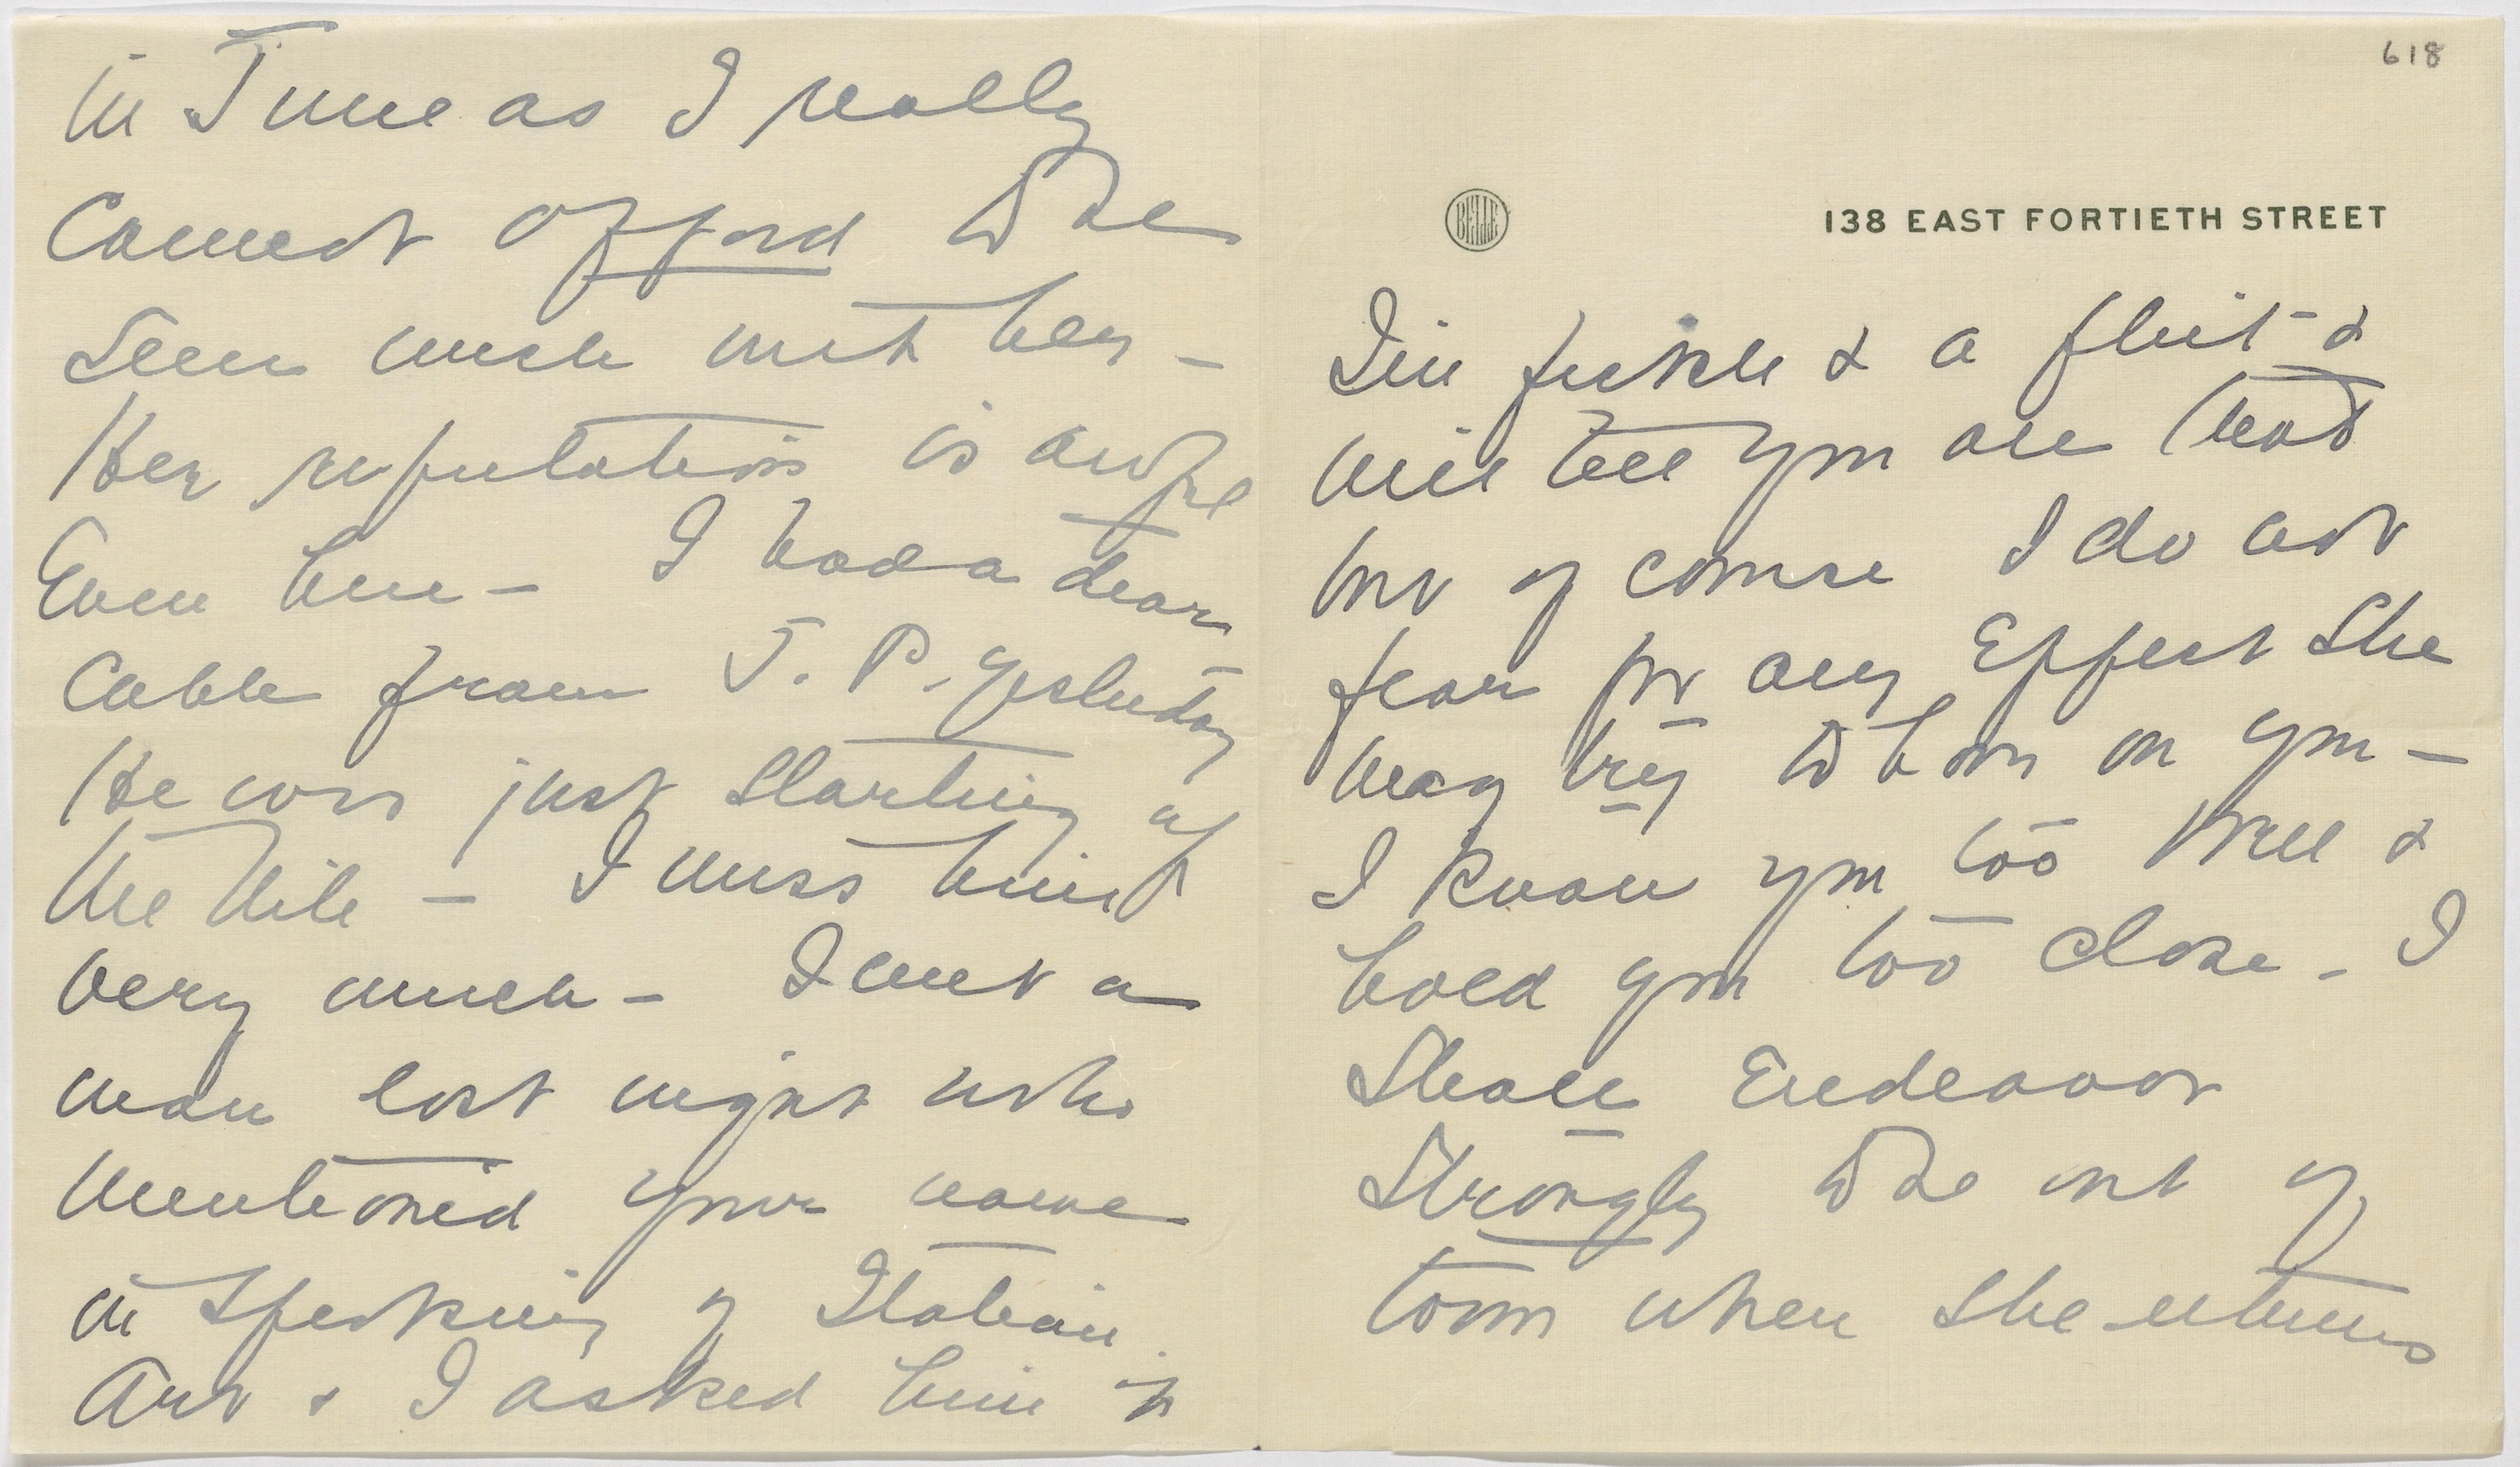I’m fickle & a flirt & will tell you all that but of course I do not fear for any effect she may try to have on you – I know you too well & hold you too close – I shall endeavor strongly to be out of town when she returns
in June as I really cannot afford to be seen much with her – Her reputation is awful Even here – I had a dear cable from J. P. yesterday He was just starting up the Nile – I miss him very much – I met a man last night who mentioned your name in speaking of Italian Art & I asked him if